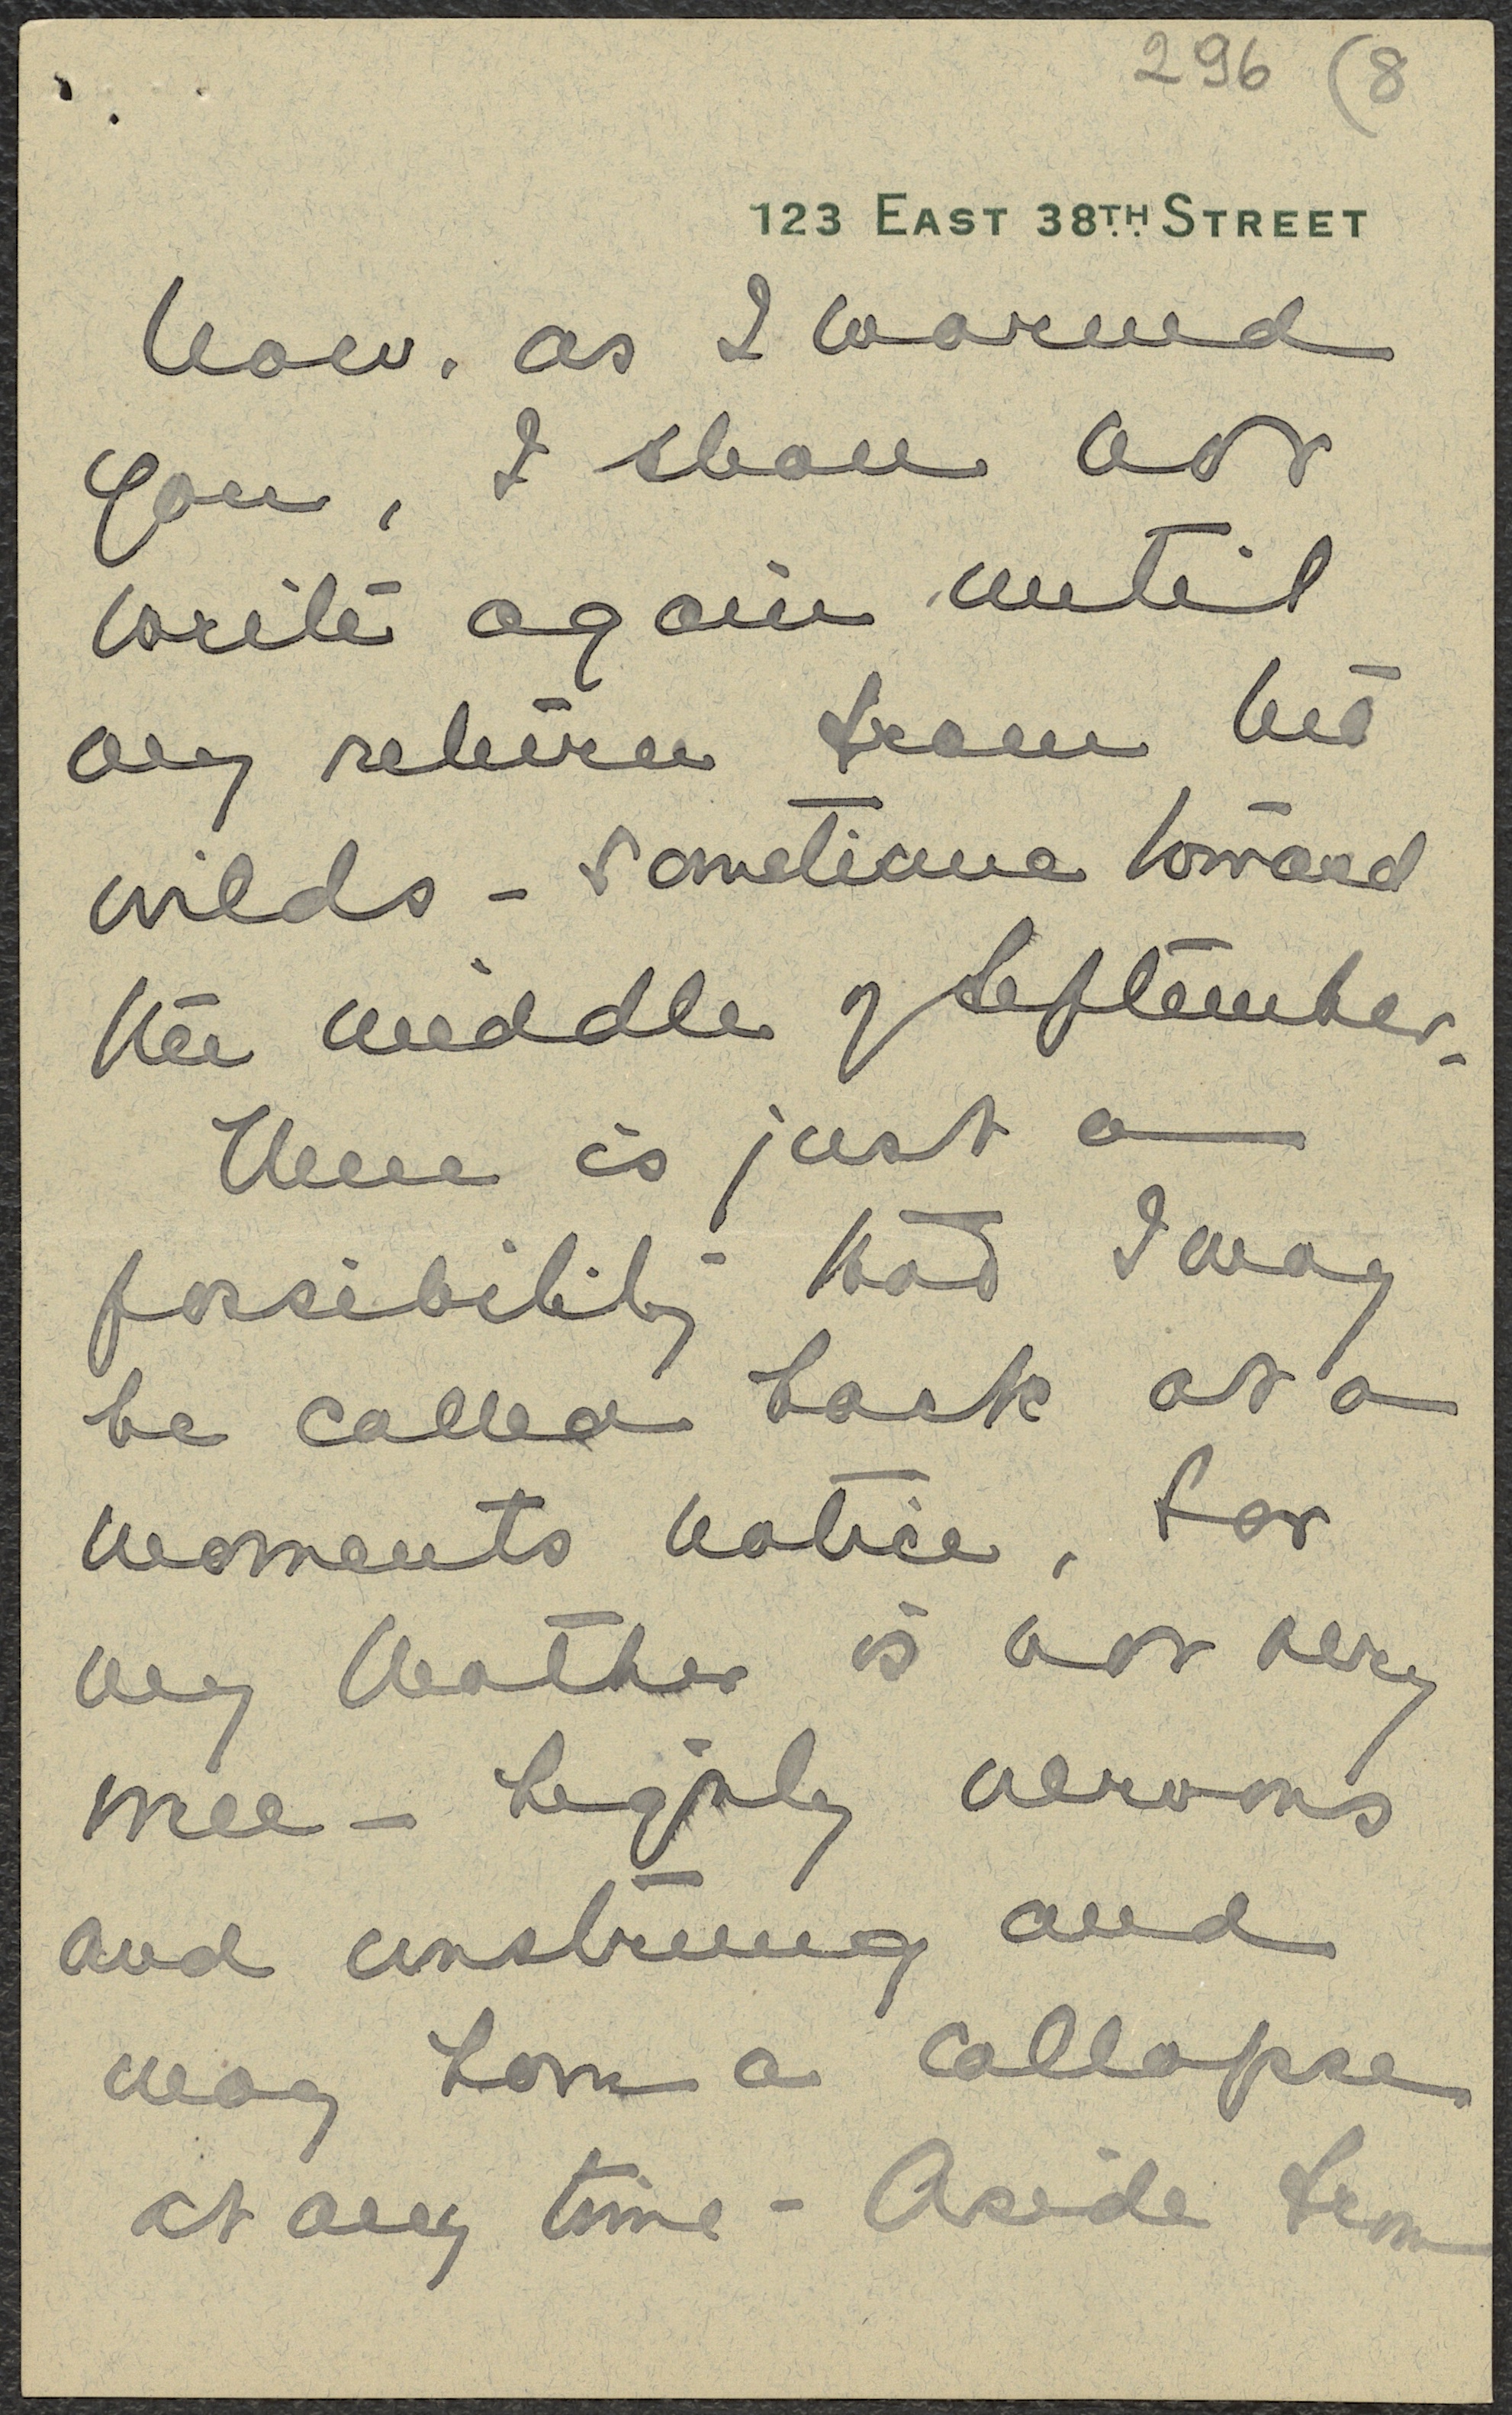Now, as I warned you, I shall not write again until my return from the wilds – sometime toward the middle of September.
There is just a possibility that I may be called back at a moment’s notice, for my Mother is not very well – highly nervous and unstrung and may have a collapse at any time – Aside from